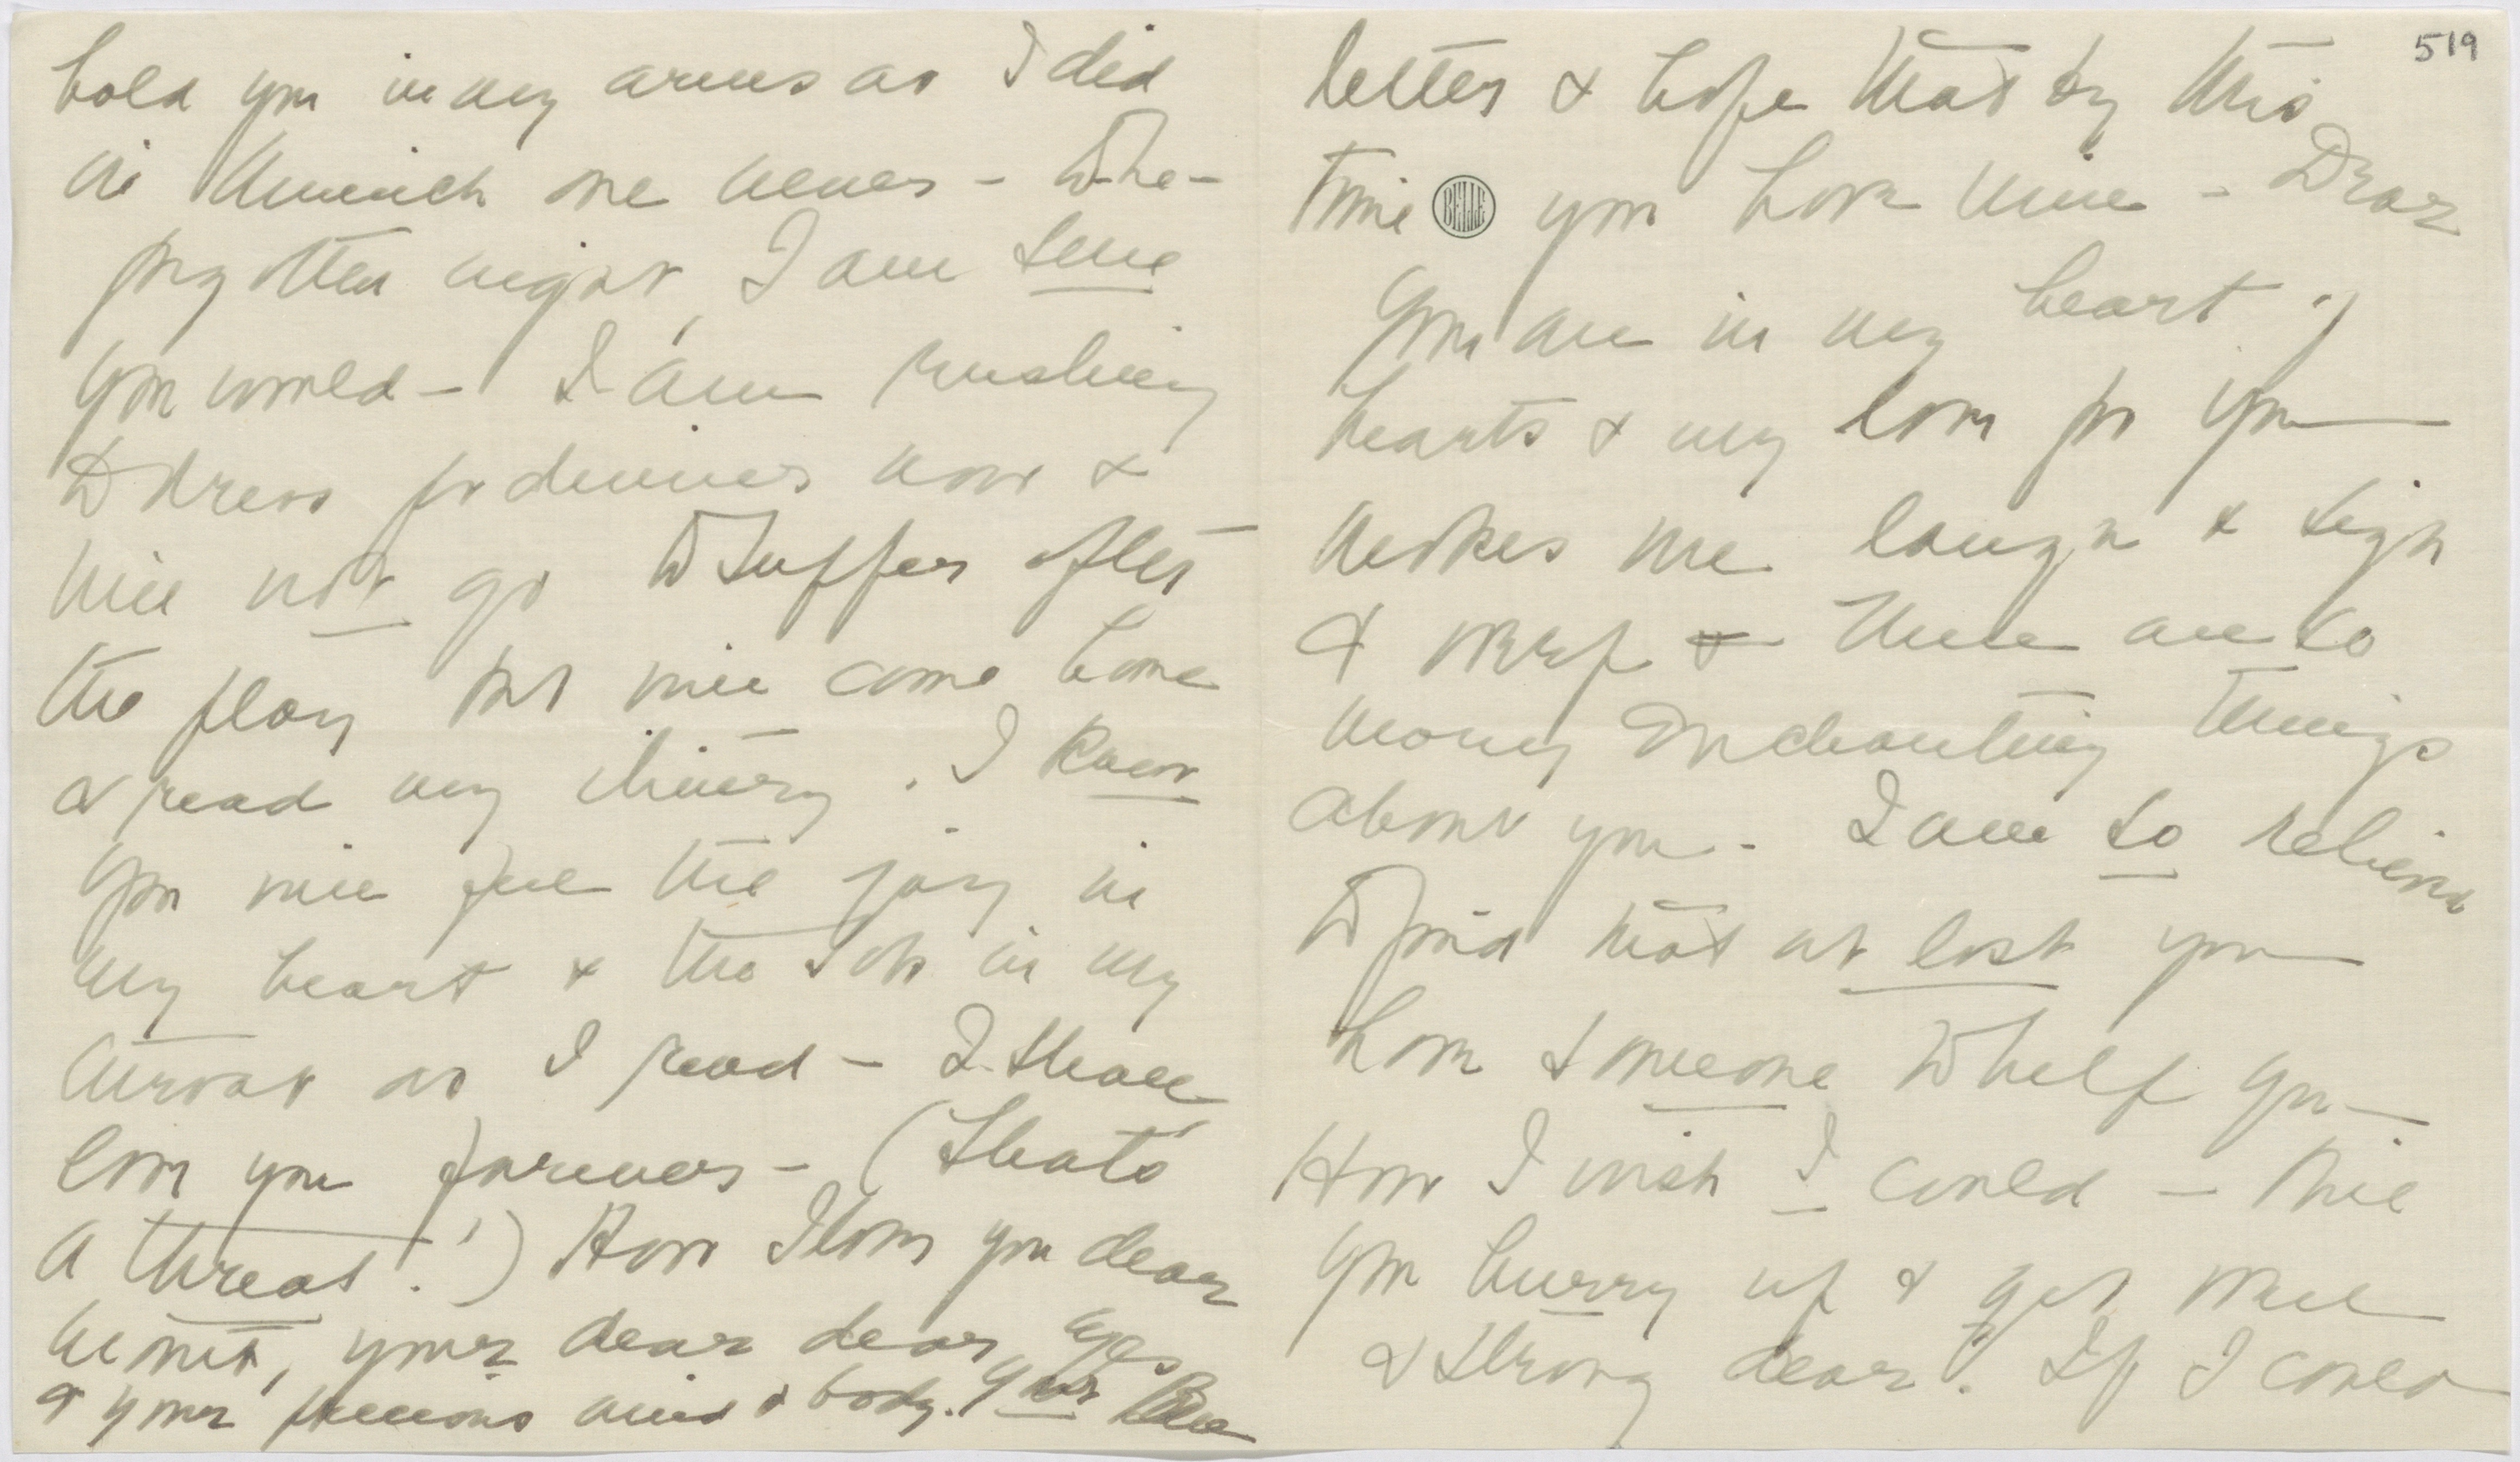letter & hope that by this time you have mine – Dear you are in my heart of hearts & my love for you makes me laugh & sigh & weep & There are so many enchanting things about you – I am so relieved to find that at last you have someone to help you – How I wish I could – Will you hurry up & get well & strong dear? If I could
hold you in my arms as I did in Munich one never-to-be-forgotten night, I am sure you would – I am rushing to dress for dinner now & will not go to supper after the play but will come home & read my itinery [sic]. I know you will feel the joy in my heart & the sob in my throat as I read – I shall love you forever – (That’s a [double underlined: threat]!) How I love you dear lamb [?], your dear dear eyes & your precious mind & body. Your Belle